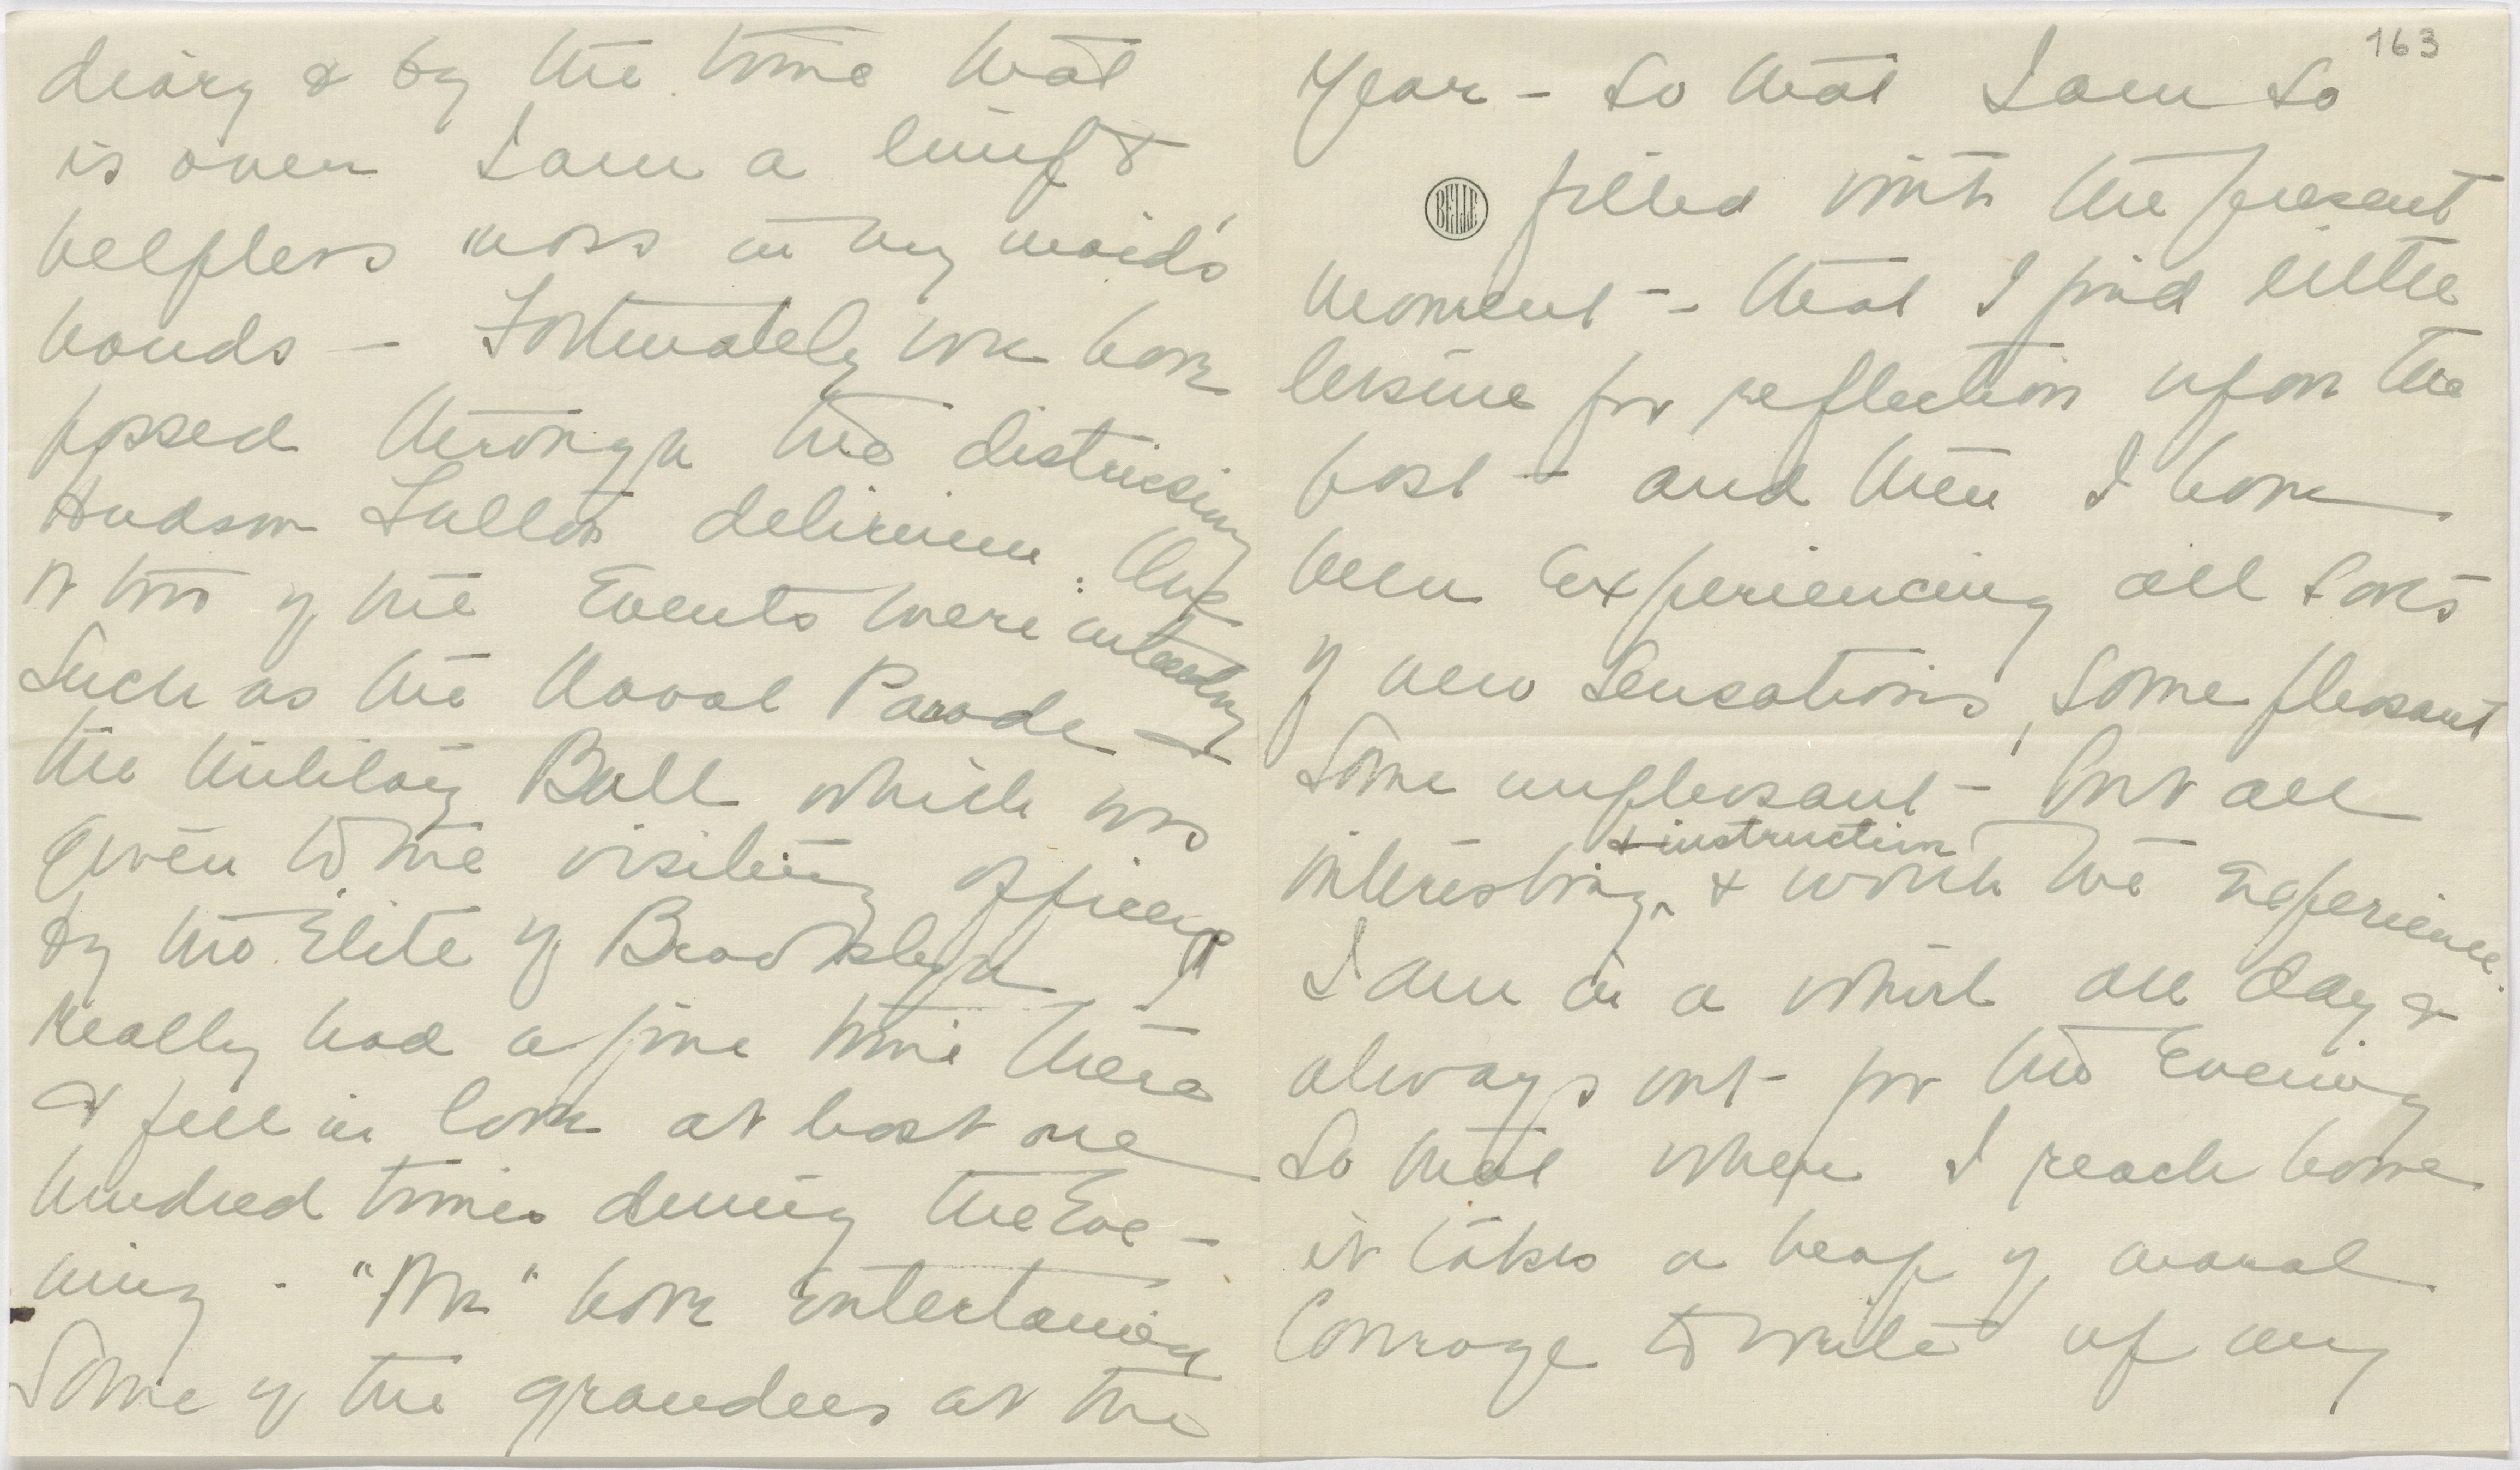year – so that I am so filled with the present moment – that I find little leisure for reflection upon the past and then I have been experiencing all sorts of new sensations, some pleasant some unpleasant but all interesting ˆ& instructiveˆ & worth the experience. I am in a whirl all day & always out for the evening so that when I reach home it takes a heap of moral courage to write up my
diary & by the time that is over I am a limp & helpless mass in my maid’s hands – Fortunately we have passed through the distressing Hudson-Fulton delirium. One or two of the events were interesting such as the Naval Parade – the Military Ball which was given to the visiting officers by the elite of Brooklyn – I really had a fine time there & fell in love at least one hundred times during the evening – “We” have entertained some of the grandees at the